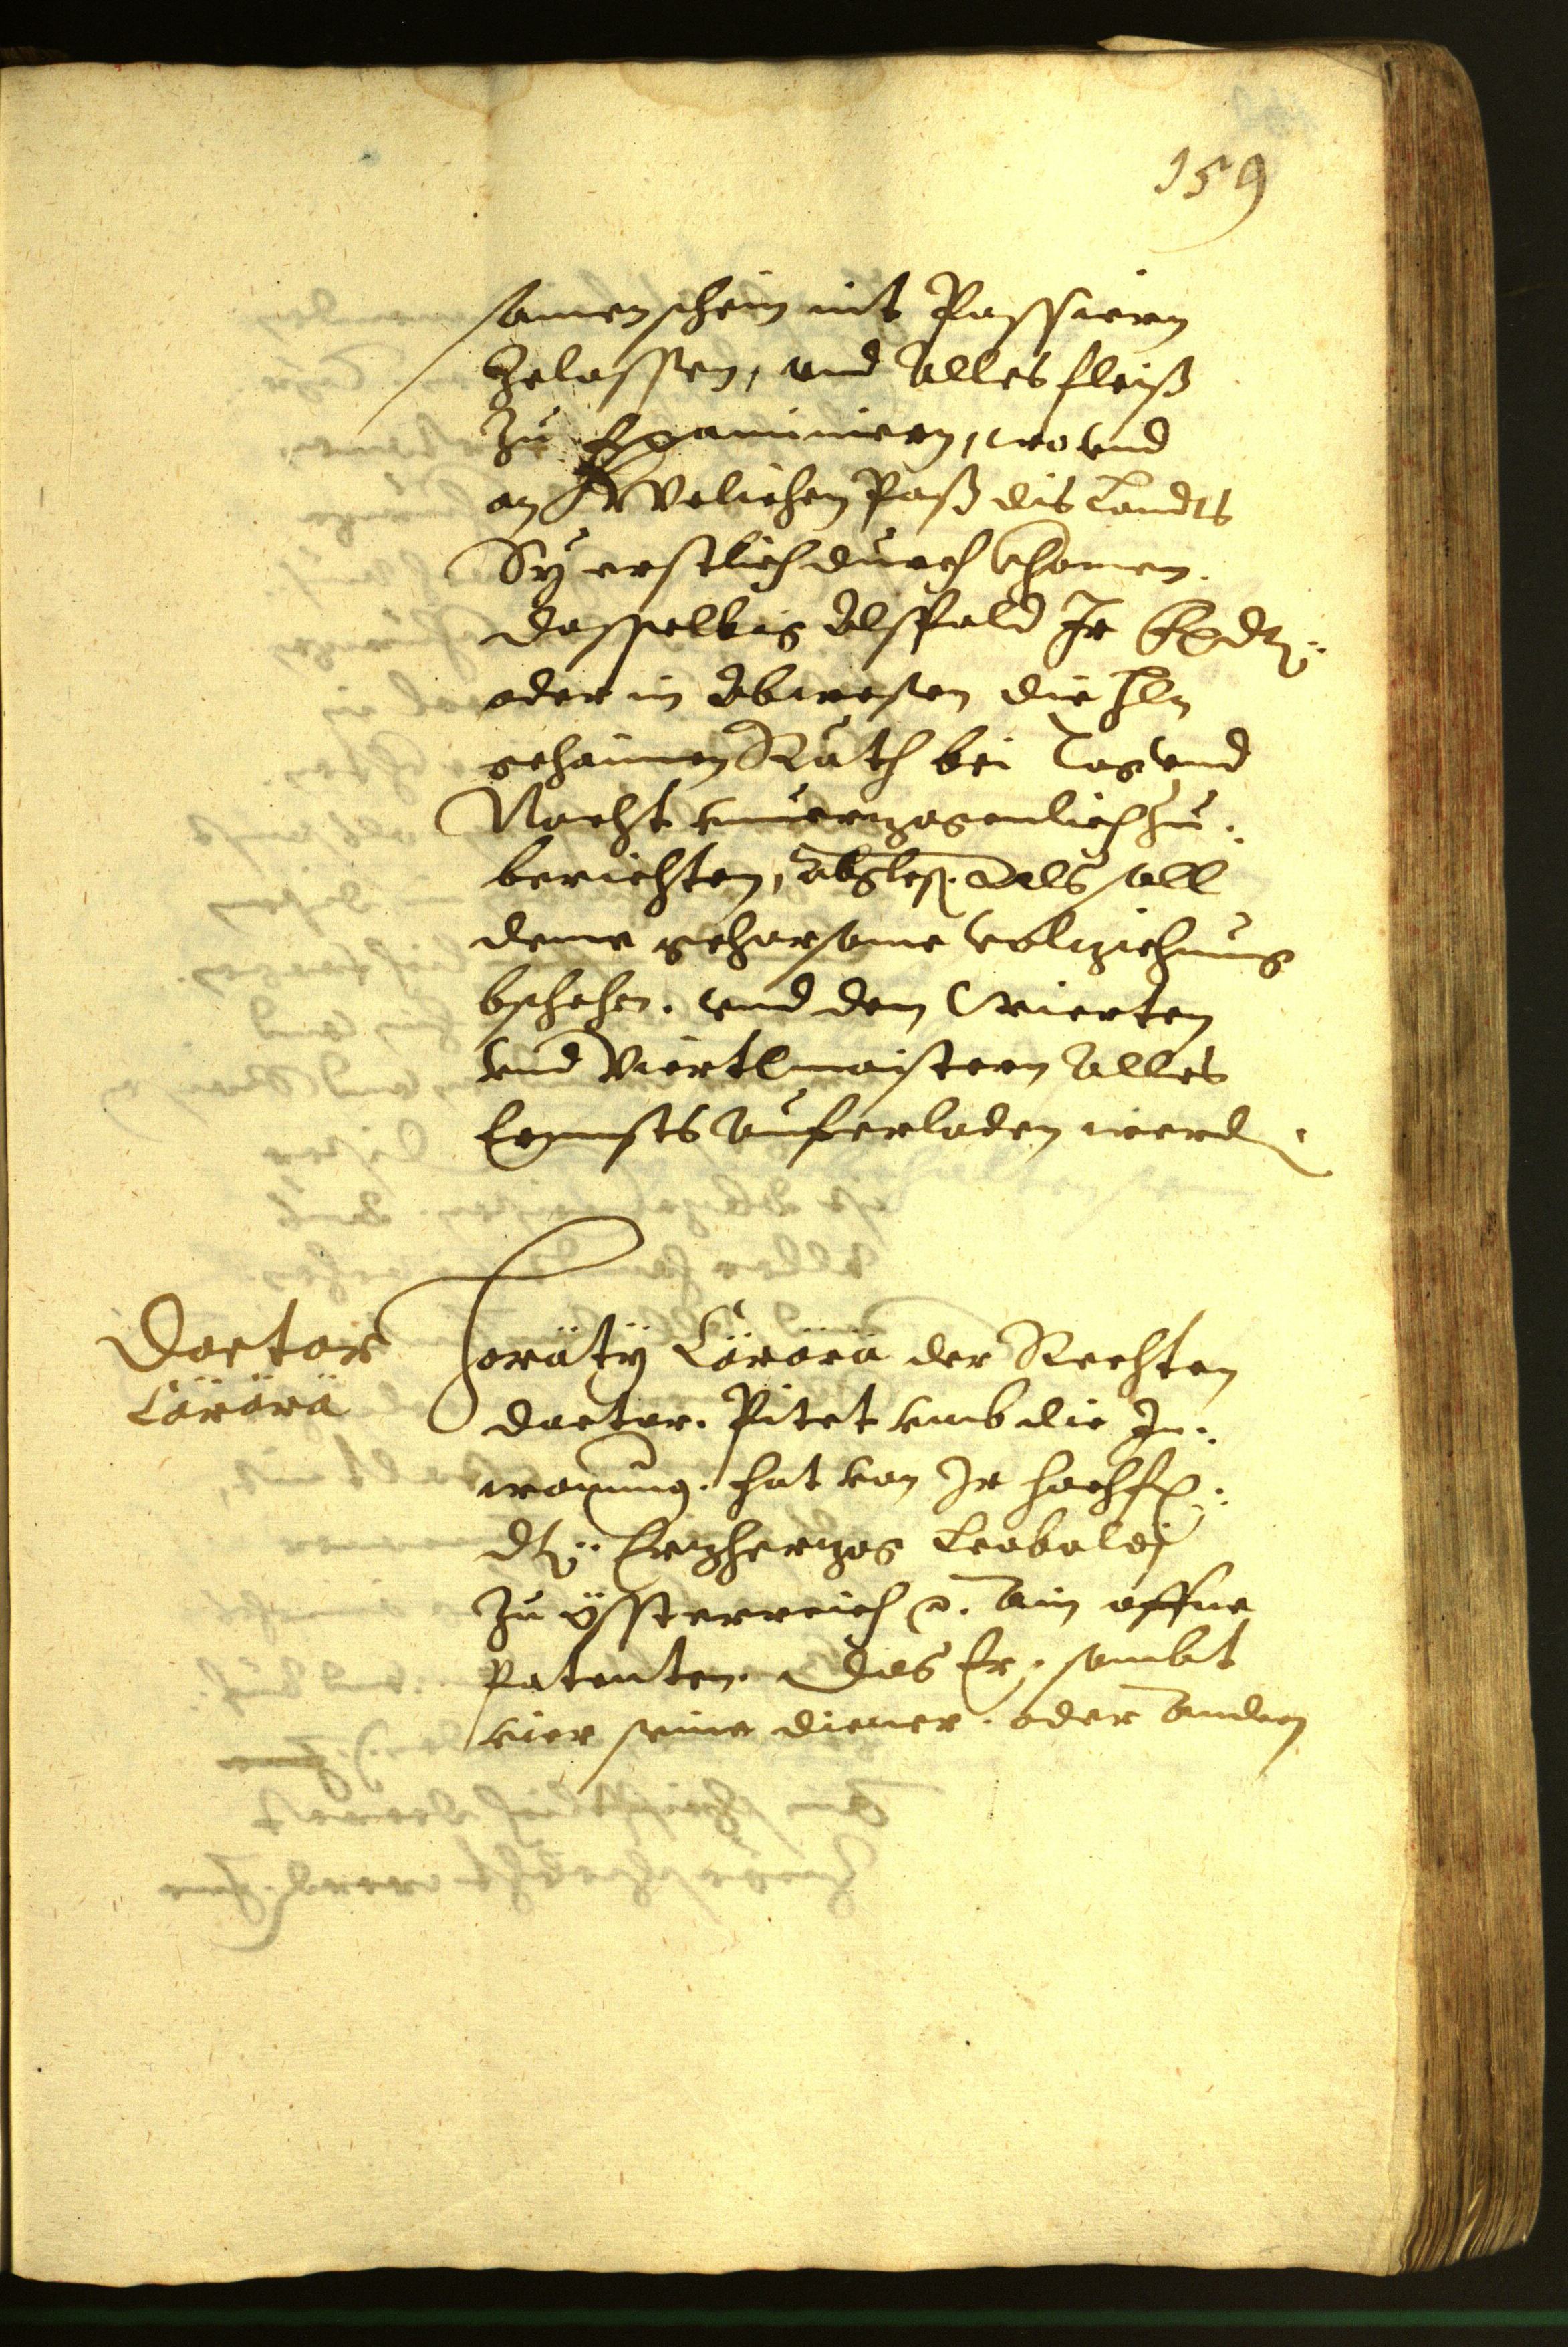159
samen schein nit Passiern
Zelassen, vnd Alles fleiß
Zū Examiniern, wo vnd
an Welichen Paß dis Landts
Sȳ erstlich dūrch khomen.
dasselbig AlsPald Ir Fl dt:
oder in Abwesen die hln
gehaimen Rāth bei Tag vnd
Nacht vnūerzogenlich Zū¬
berichten, Abgles. Als soll
deme gehorsame volziehūng
bschehen. vnd den Wierten
vnd Viertlmaistern Alles
Ernnsts Aūferladen werd.
Horätÿ Cärärä der Rechten
doctor. Pitet vmb die In¬
wonūng. hat von Ir hochfl:
dt: Erzhertzog Leoboldj
Zū Össterreich etc. Ain offne
Patenten. das Er. sambt
vier seiner diener. oder Andern
Doctor
Cärärä